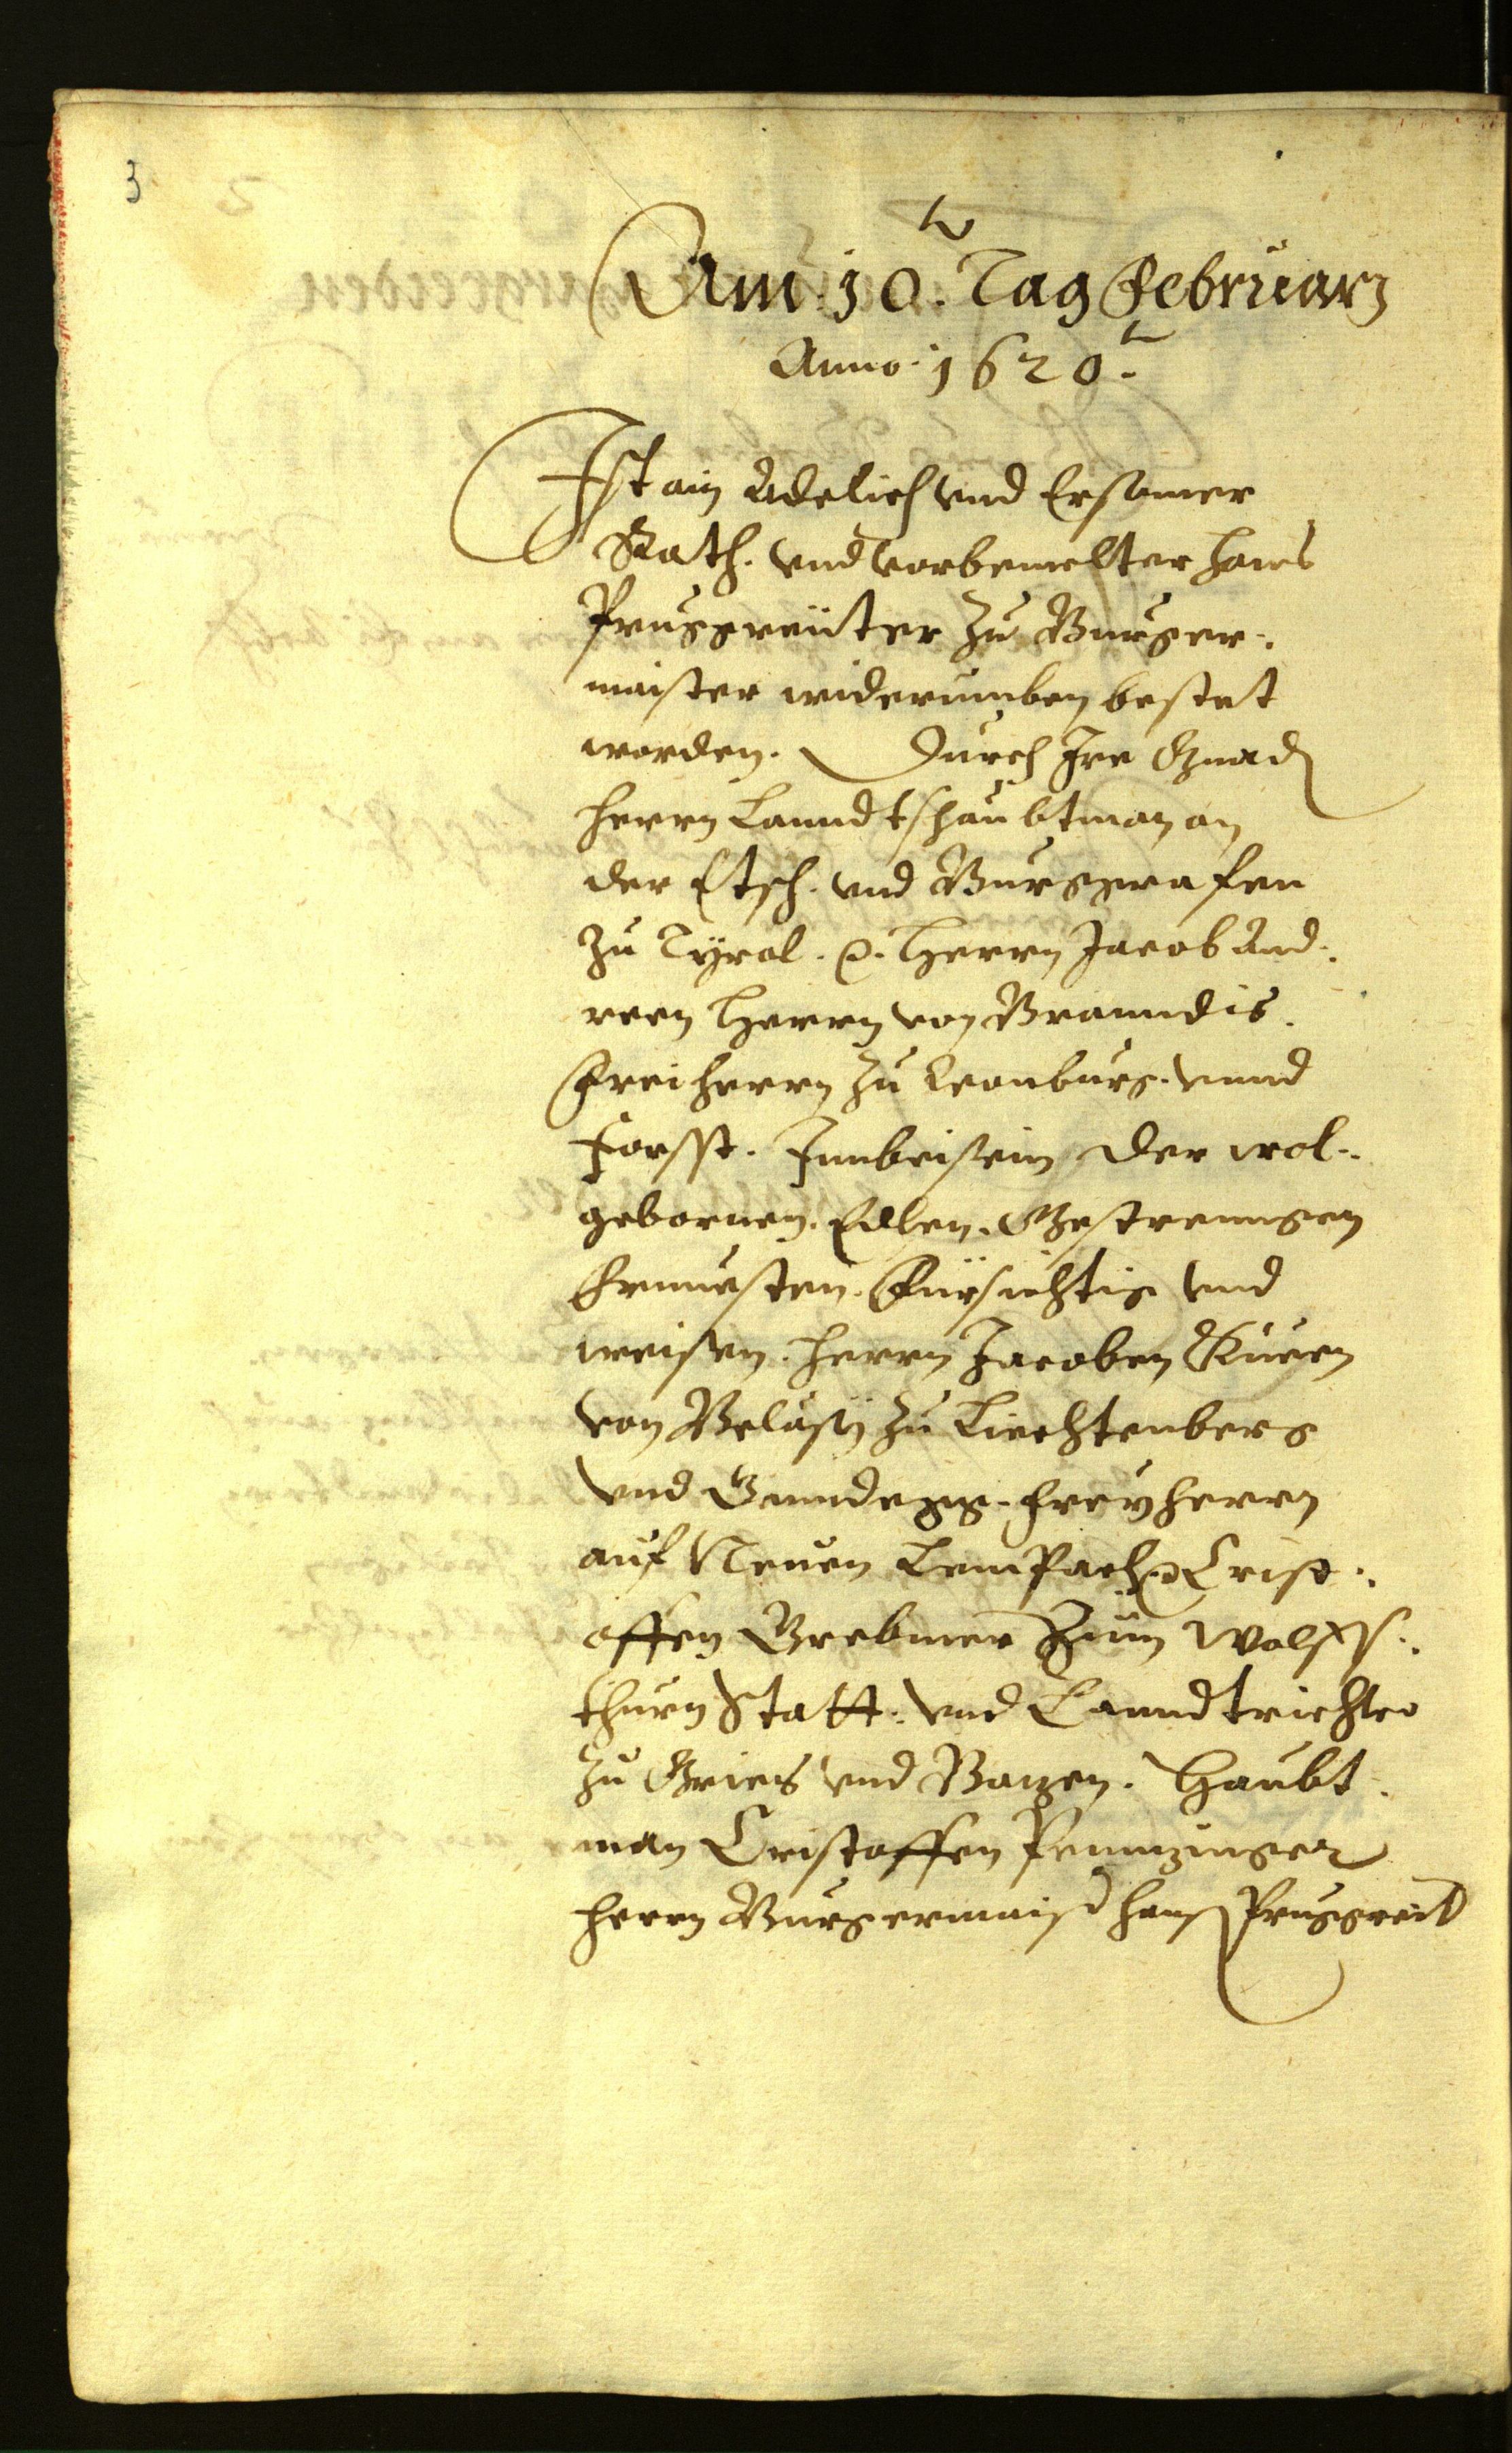3
t
Am: 10. Tag Febrūarj
Anno. 1620t.
Ist ain Adelich vnd Ersamer
Rath. vnd vorbemelter Hans
Prūggreüter Zū Būrger¬
maister widerūmben bestet
worden. Dūrch ire Gnad
Herrn Landthaūbtman an
der Etsch. vnd Būrggrafen
Zū Tÿrol. etc. Herrn Jacob And¬
reen Herrn von Branndis.
Freiherrn Zū Leonbūrg. vnnd
Forsst. Innbeisein der wol¬
gebornen. Edlen. Gestrenngen,
Ernnvēsten. Fürsichtig vnd
weisen. Herrn Jacoben Kūēen
von Belāsÿ Zū Liechtenberg
vnd Gandegg. Freȳherrn
aūf Neūen LemPach etc. Crist¬
offen Grebmer Zūm Wolfs¬
thūrn Statt: vnd Landtrichter
zū Gries vnd Bozen, Haūbt¬
man Cristoffen Pennzinger,
Herrn Būrgermaist Hans Prūggreit